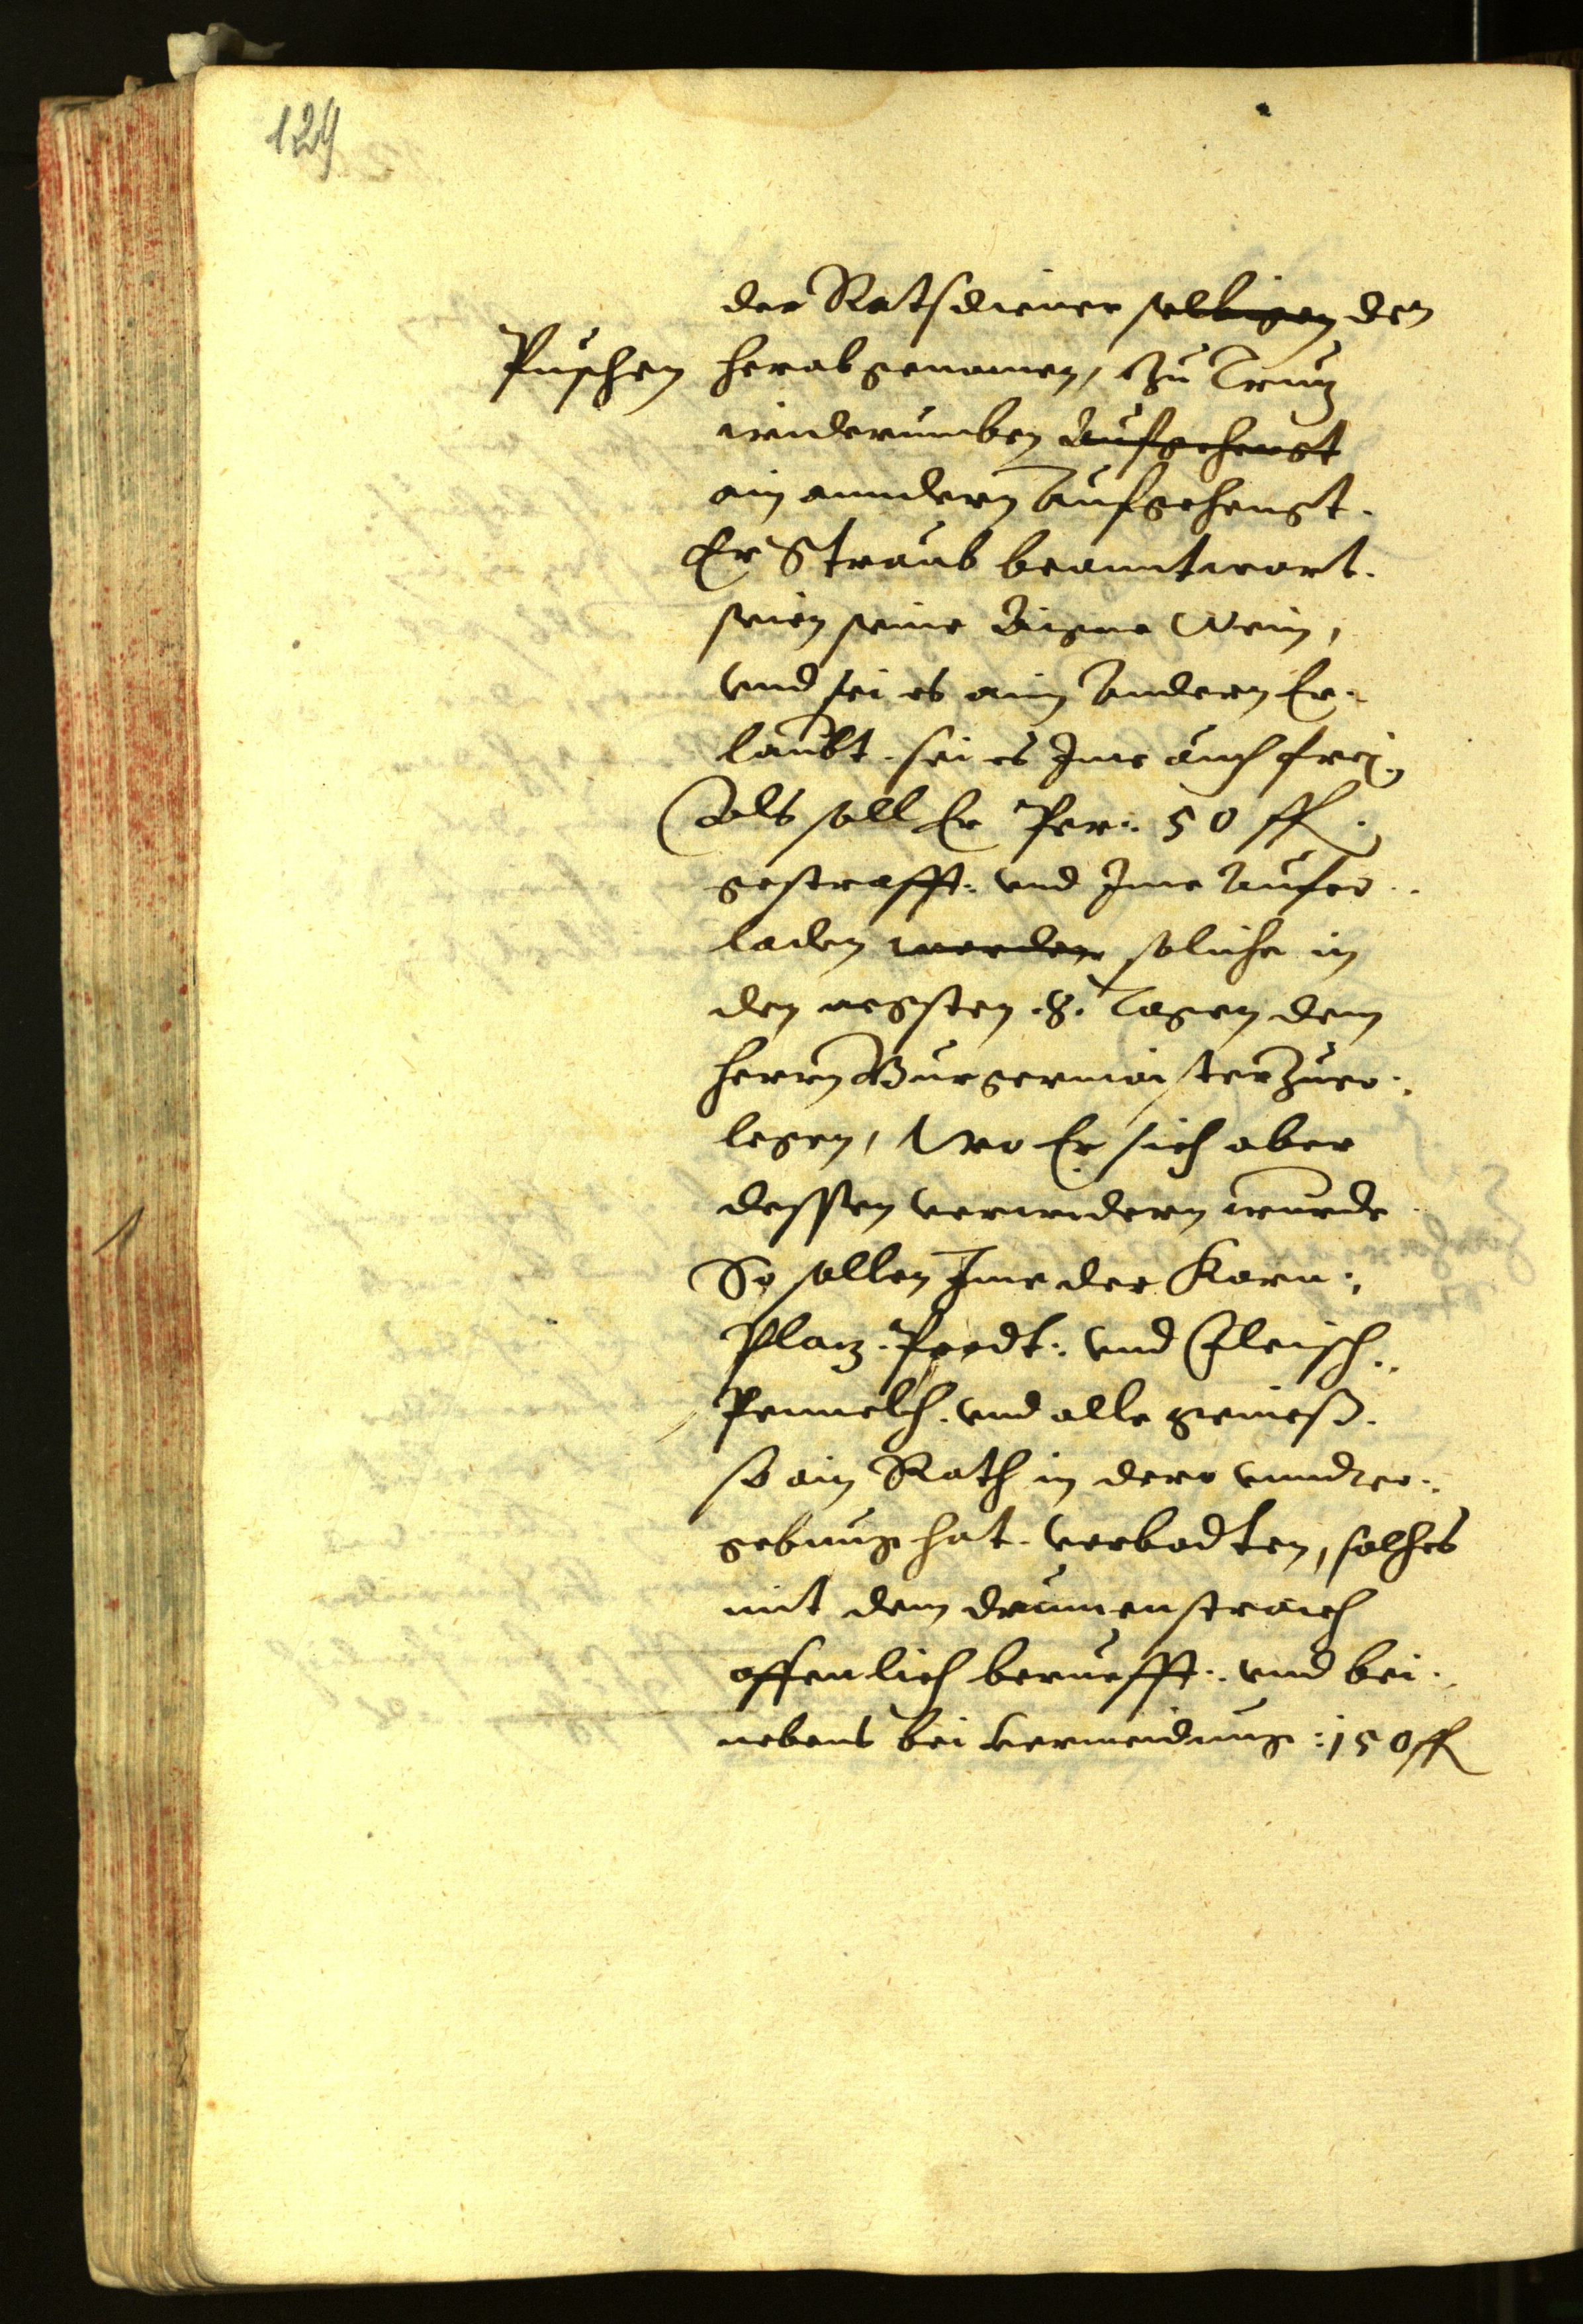129
der Ratsdiener selbigen den
herabgenomen, Zū Trūz
widerūmben Aūfgehengt
ain anndern Aūfgehengt.
Er Straūb beanntwort.
seien seine Aigne Wein,
vnd sei es aim Anndern Er¬
laūbt. sei es ime aūch frej.
Als soll Er Per: 50 fl.
gestrafft: vnd Ime Aūfer¬
laden werden soliche in
den negsten .8. Tagen dem
herrn Būrgermaister Zūer¬
legen, Wo Er sich aber
dessen verwidern wūrde
So sollen Ime der Korn¬
Plaz. Prodt: vnd Fleisch¬
Pennckh. vnd alle genieß.
so ain Rath in dero vnndter¬
gebūng hat. verboten, solhes
mit dem drūmenstraich
offenlich berūefft: vnd bei¬
nebens bei vermeidūng: 150 fl
Puschen